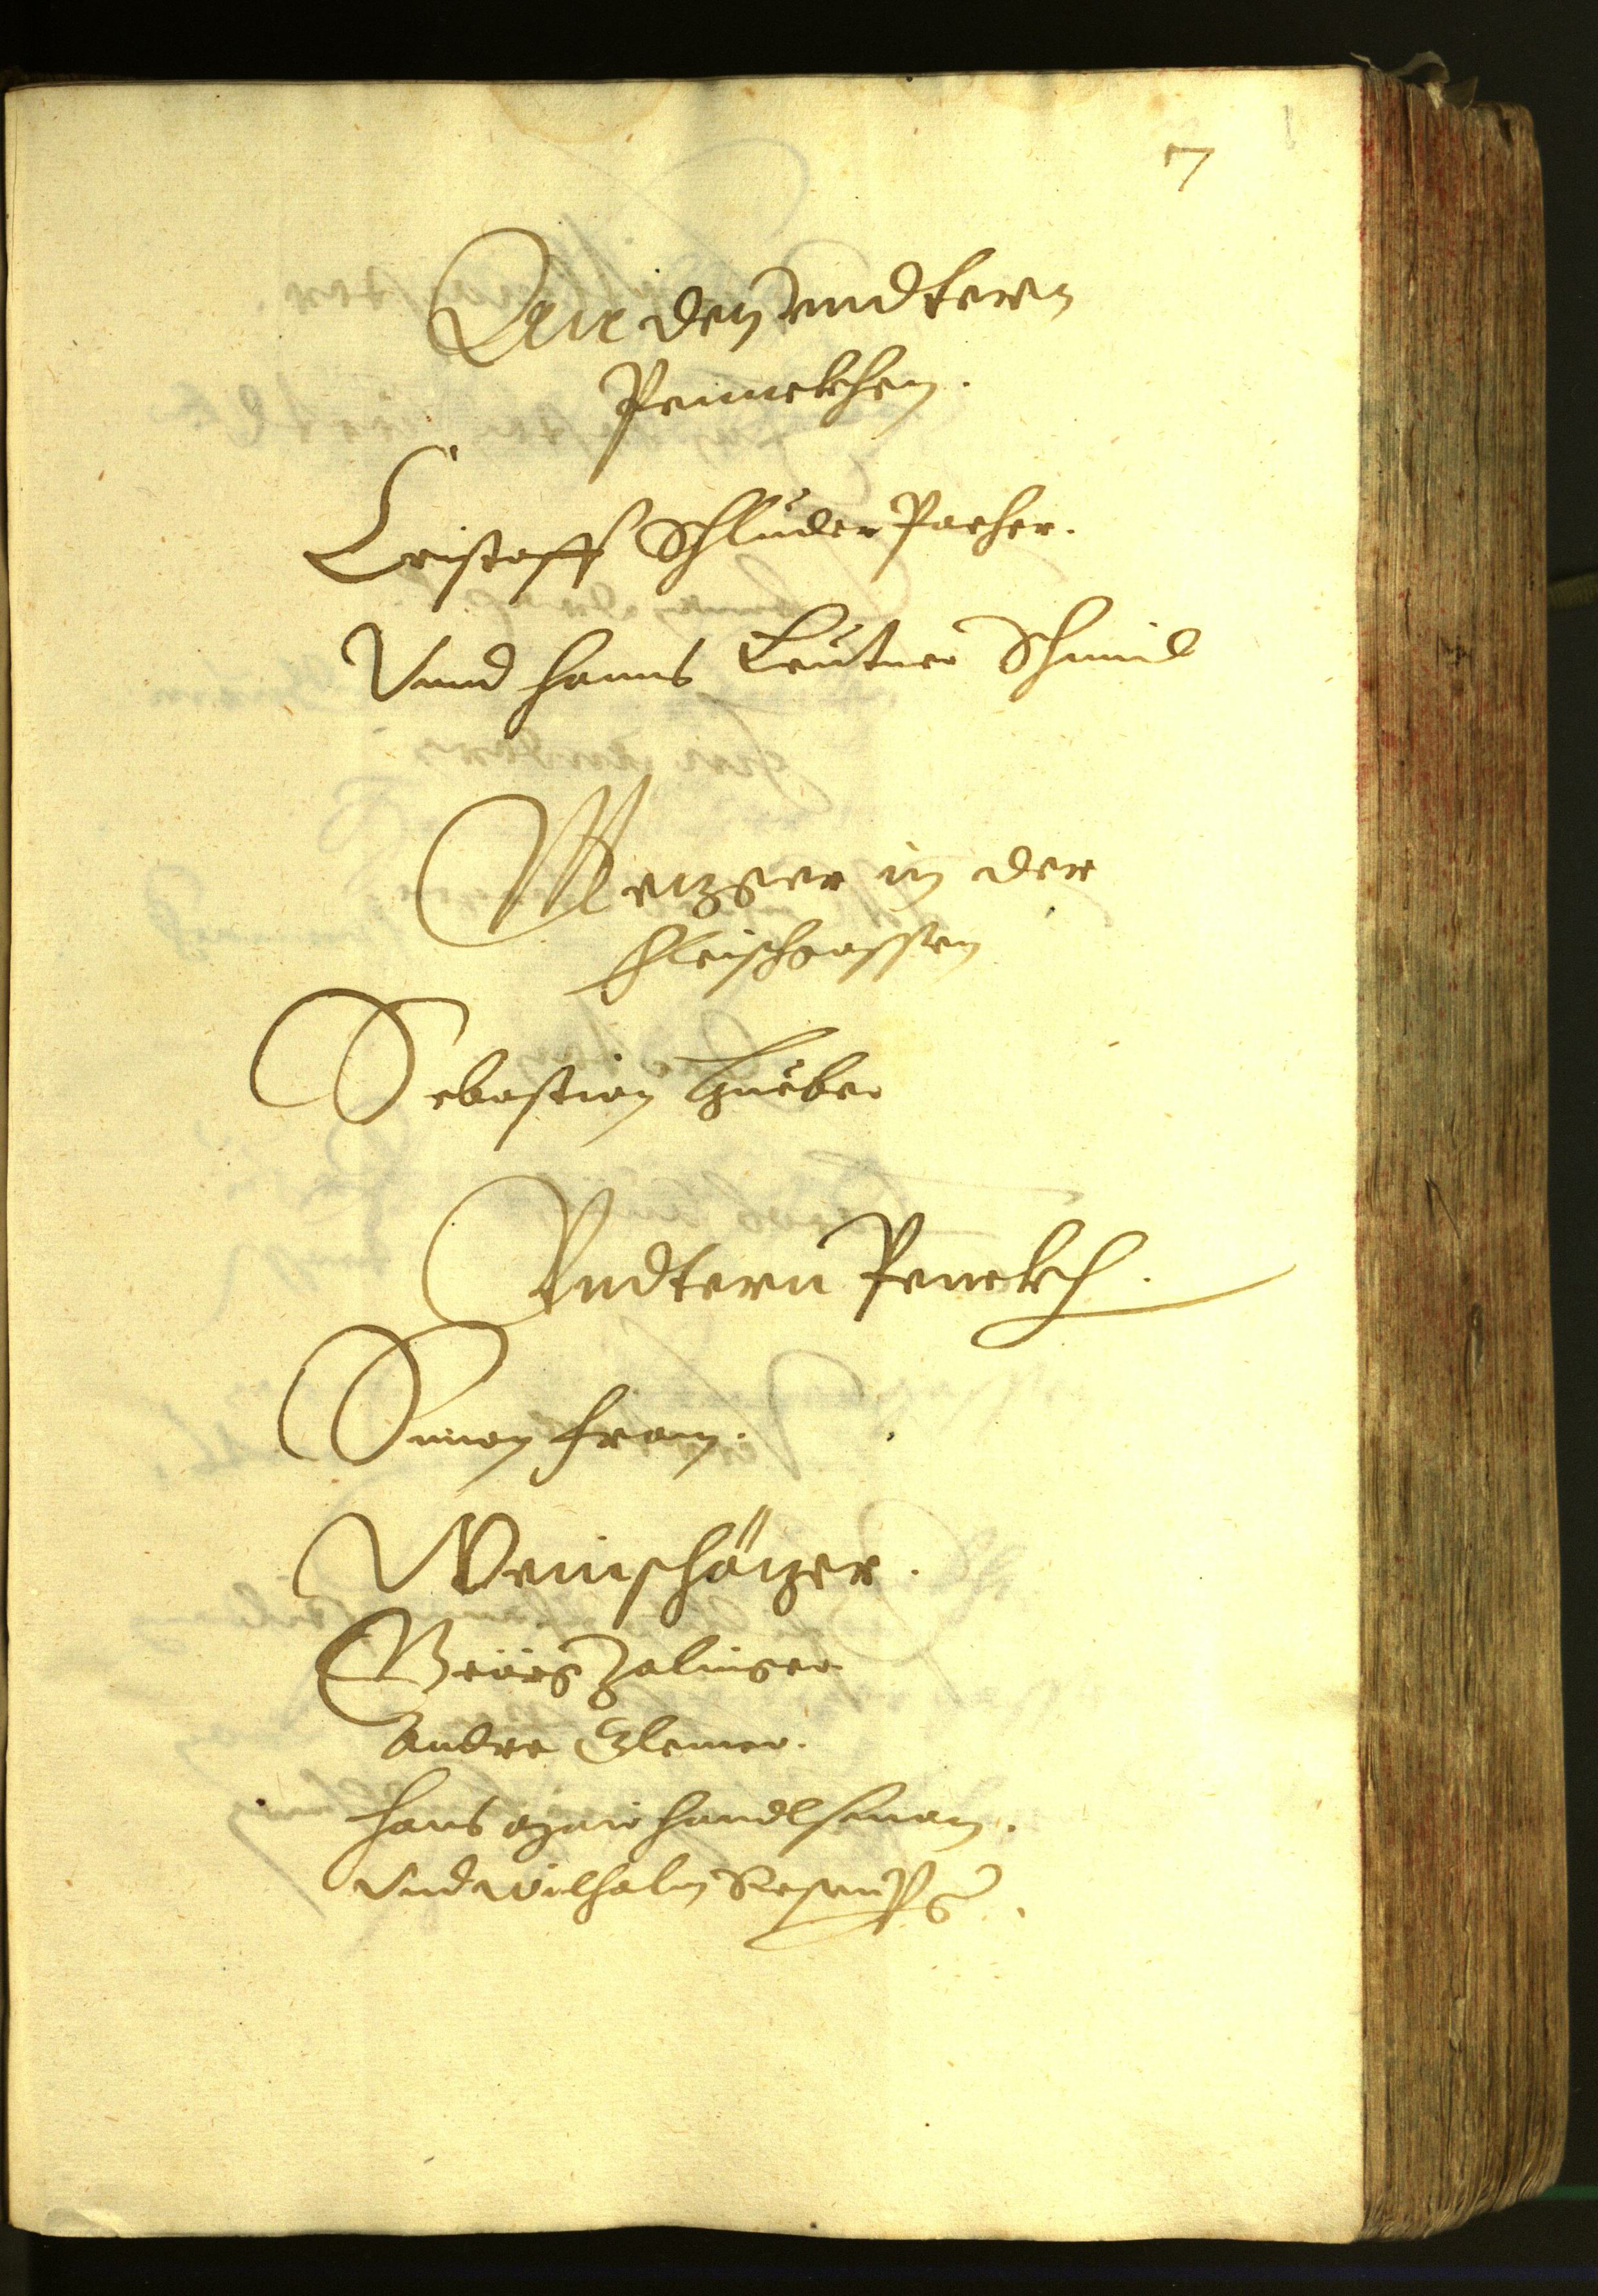7
An den vndtern
Pennckhen.
Cristoff Schlūder Pacher.
Vnd hanns Leūtner Schmid
Mezger in der
Fleischgassen
Sebastian Hūeber
Vndtern Penckh.
Simon From.
Weinschäzer.
Geörg Zalinger.
Andre Glemer.
hans Mair handlsman.
Vnd Wilhalm ResenP.